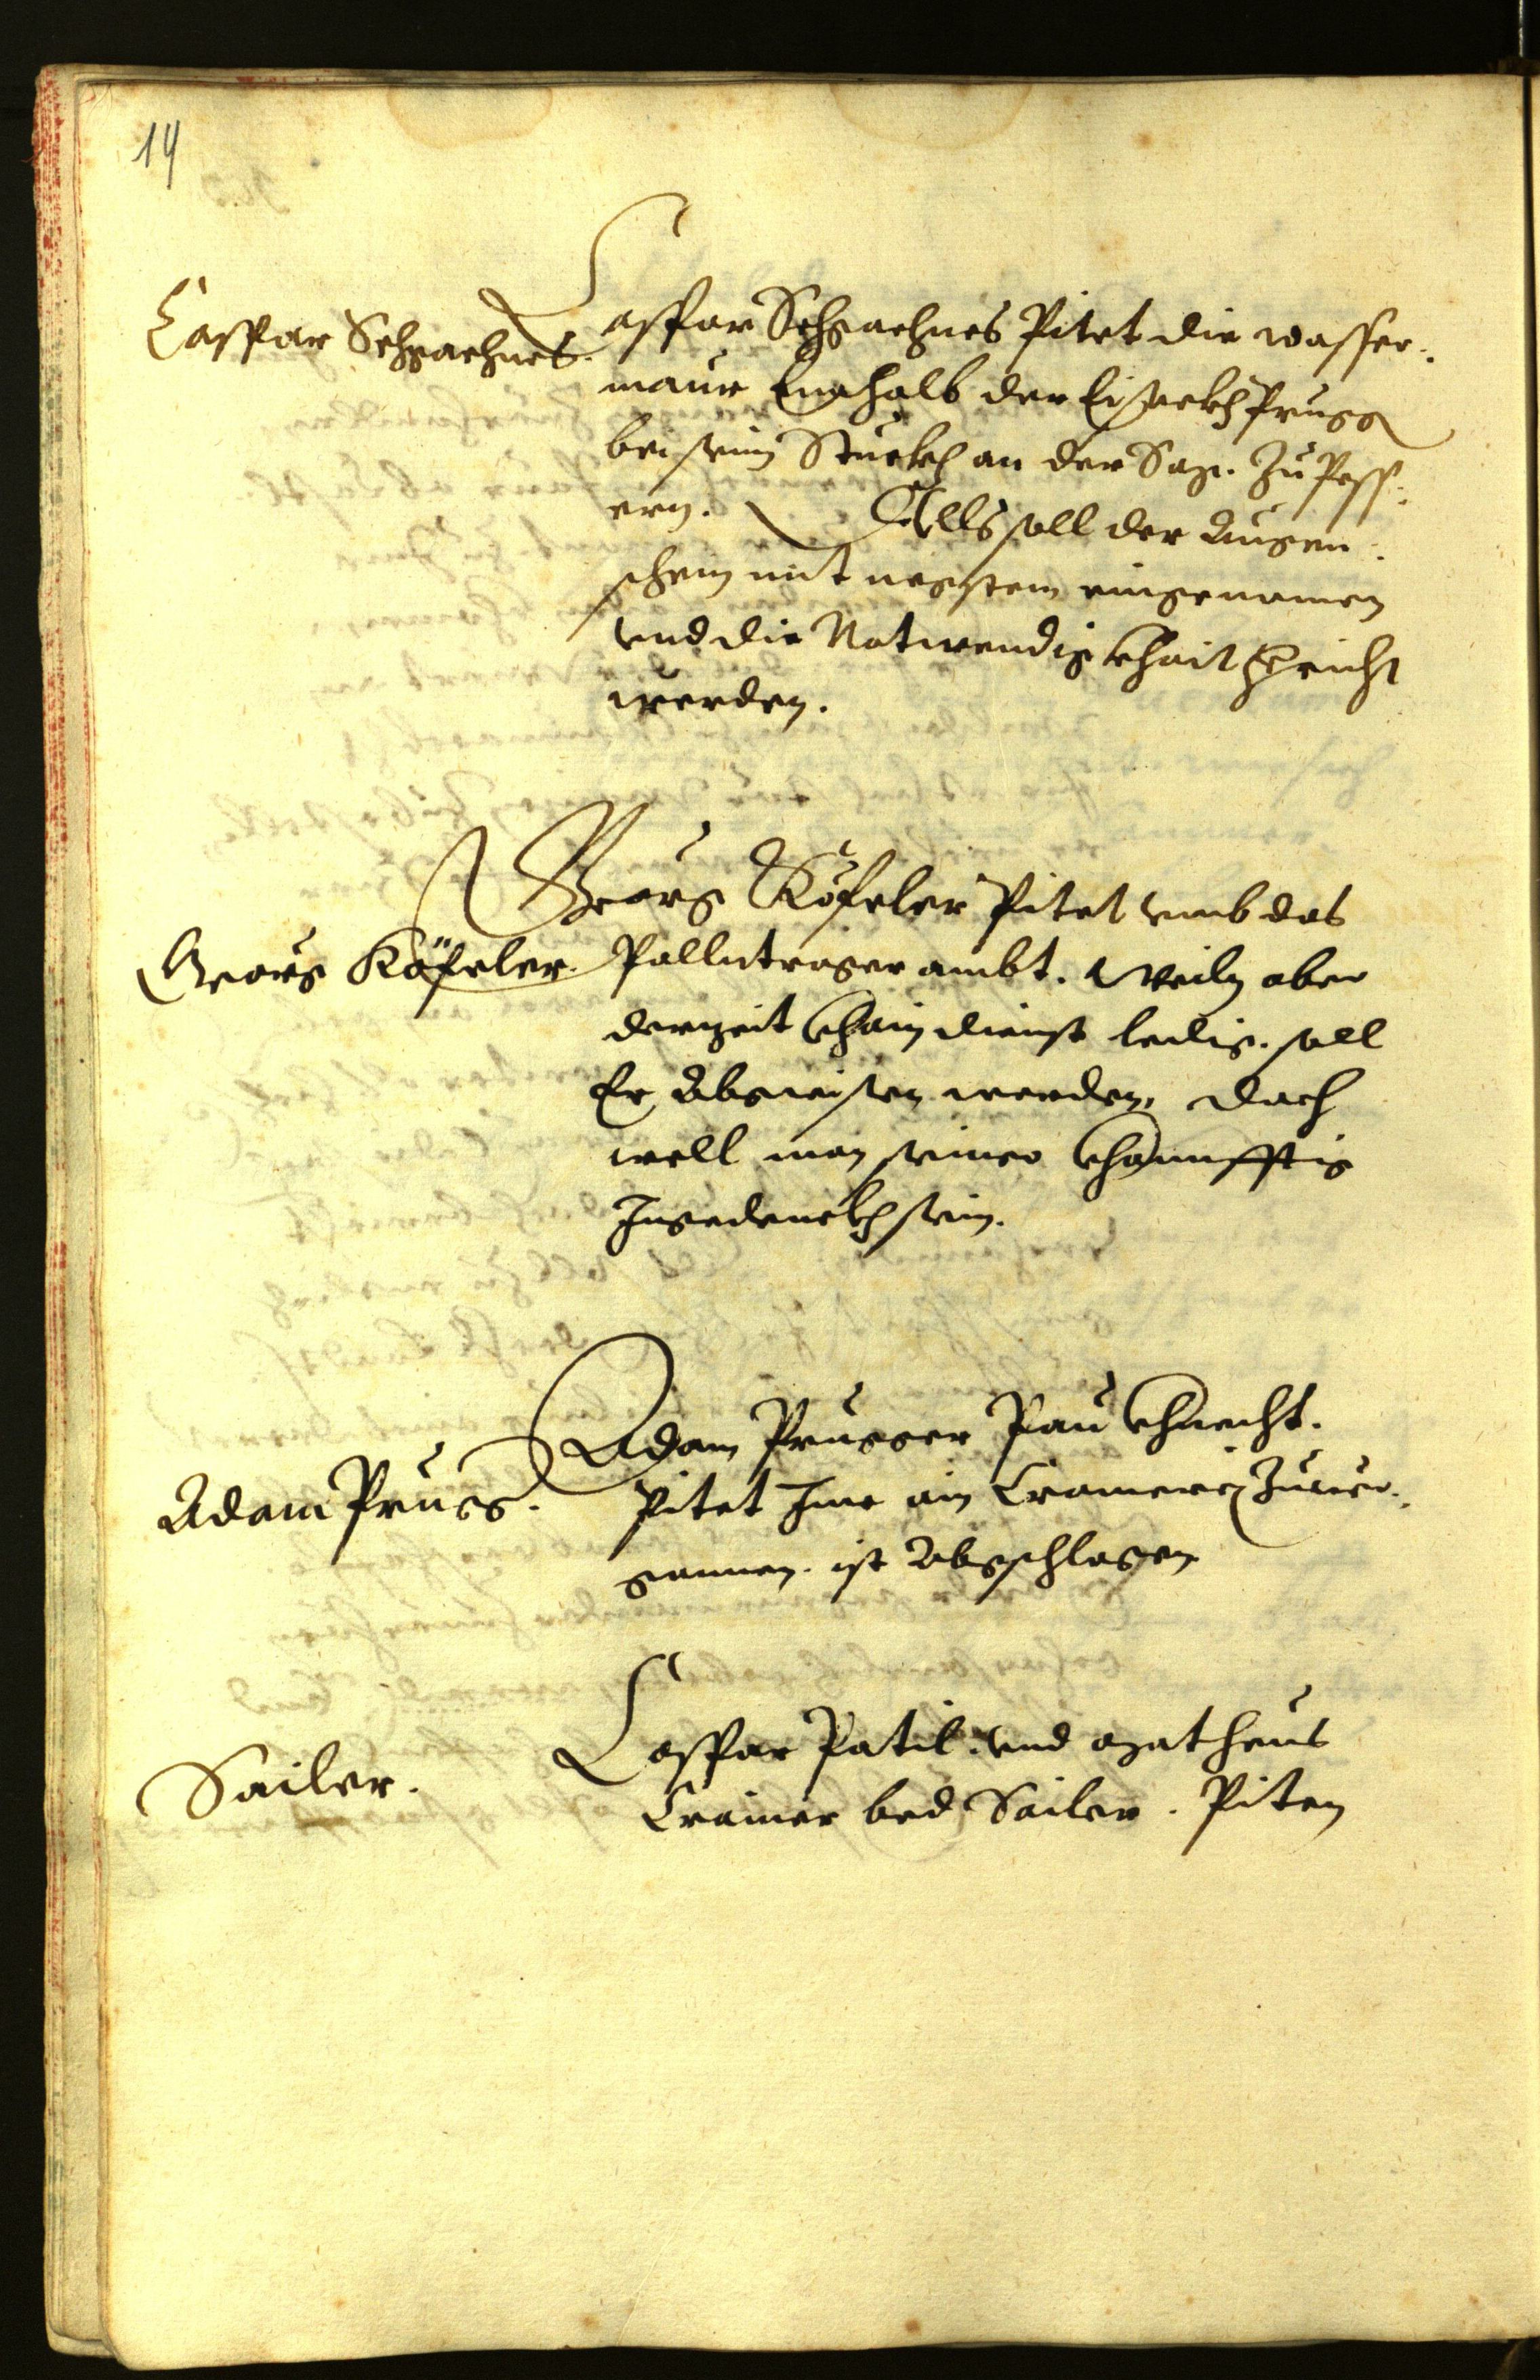19
Caspar Schgrafers Pitet die wasser¬
maūr Ennhalb der Eisackh Prūgg
bei seim Stūckh an der Sag. Zū Pess¬
ern. Alls soll der Aūgen¬
schein mit negstem eingenomen
vnd die Notwendigkhait vricht
werden.
Caspar Schgrafers.
Geōrg Kōfeler Pitet umb das
Pallntrager ambt. Weiln aber
derzeit khain dienst ledig. soll
Er Abgwisen werden, doch
well man seinen khonnfftig
Ingedenckh sein.
Geōrg Köfeler
Adam Prūgger Paūkhnecht.
Pitet Ime ain Cramerei Zūvēr¬
gonnen. ist Abgschlagen.
Adam Prūgg.
CasPar Patil. vnd Matheūs
Crainer bed Sailer. Piten
Sailer.